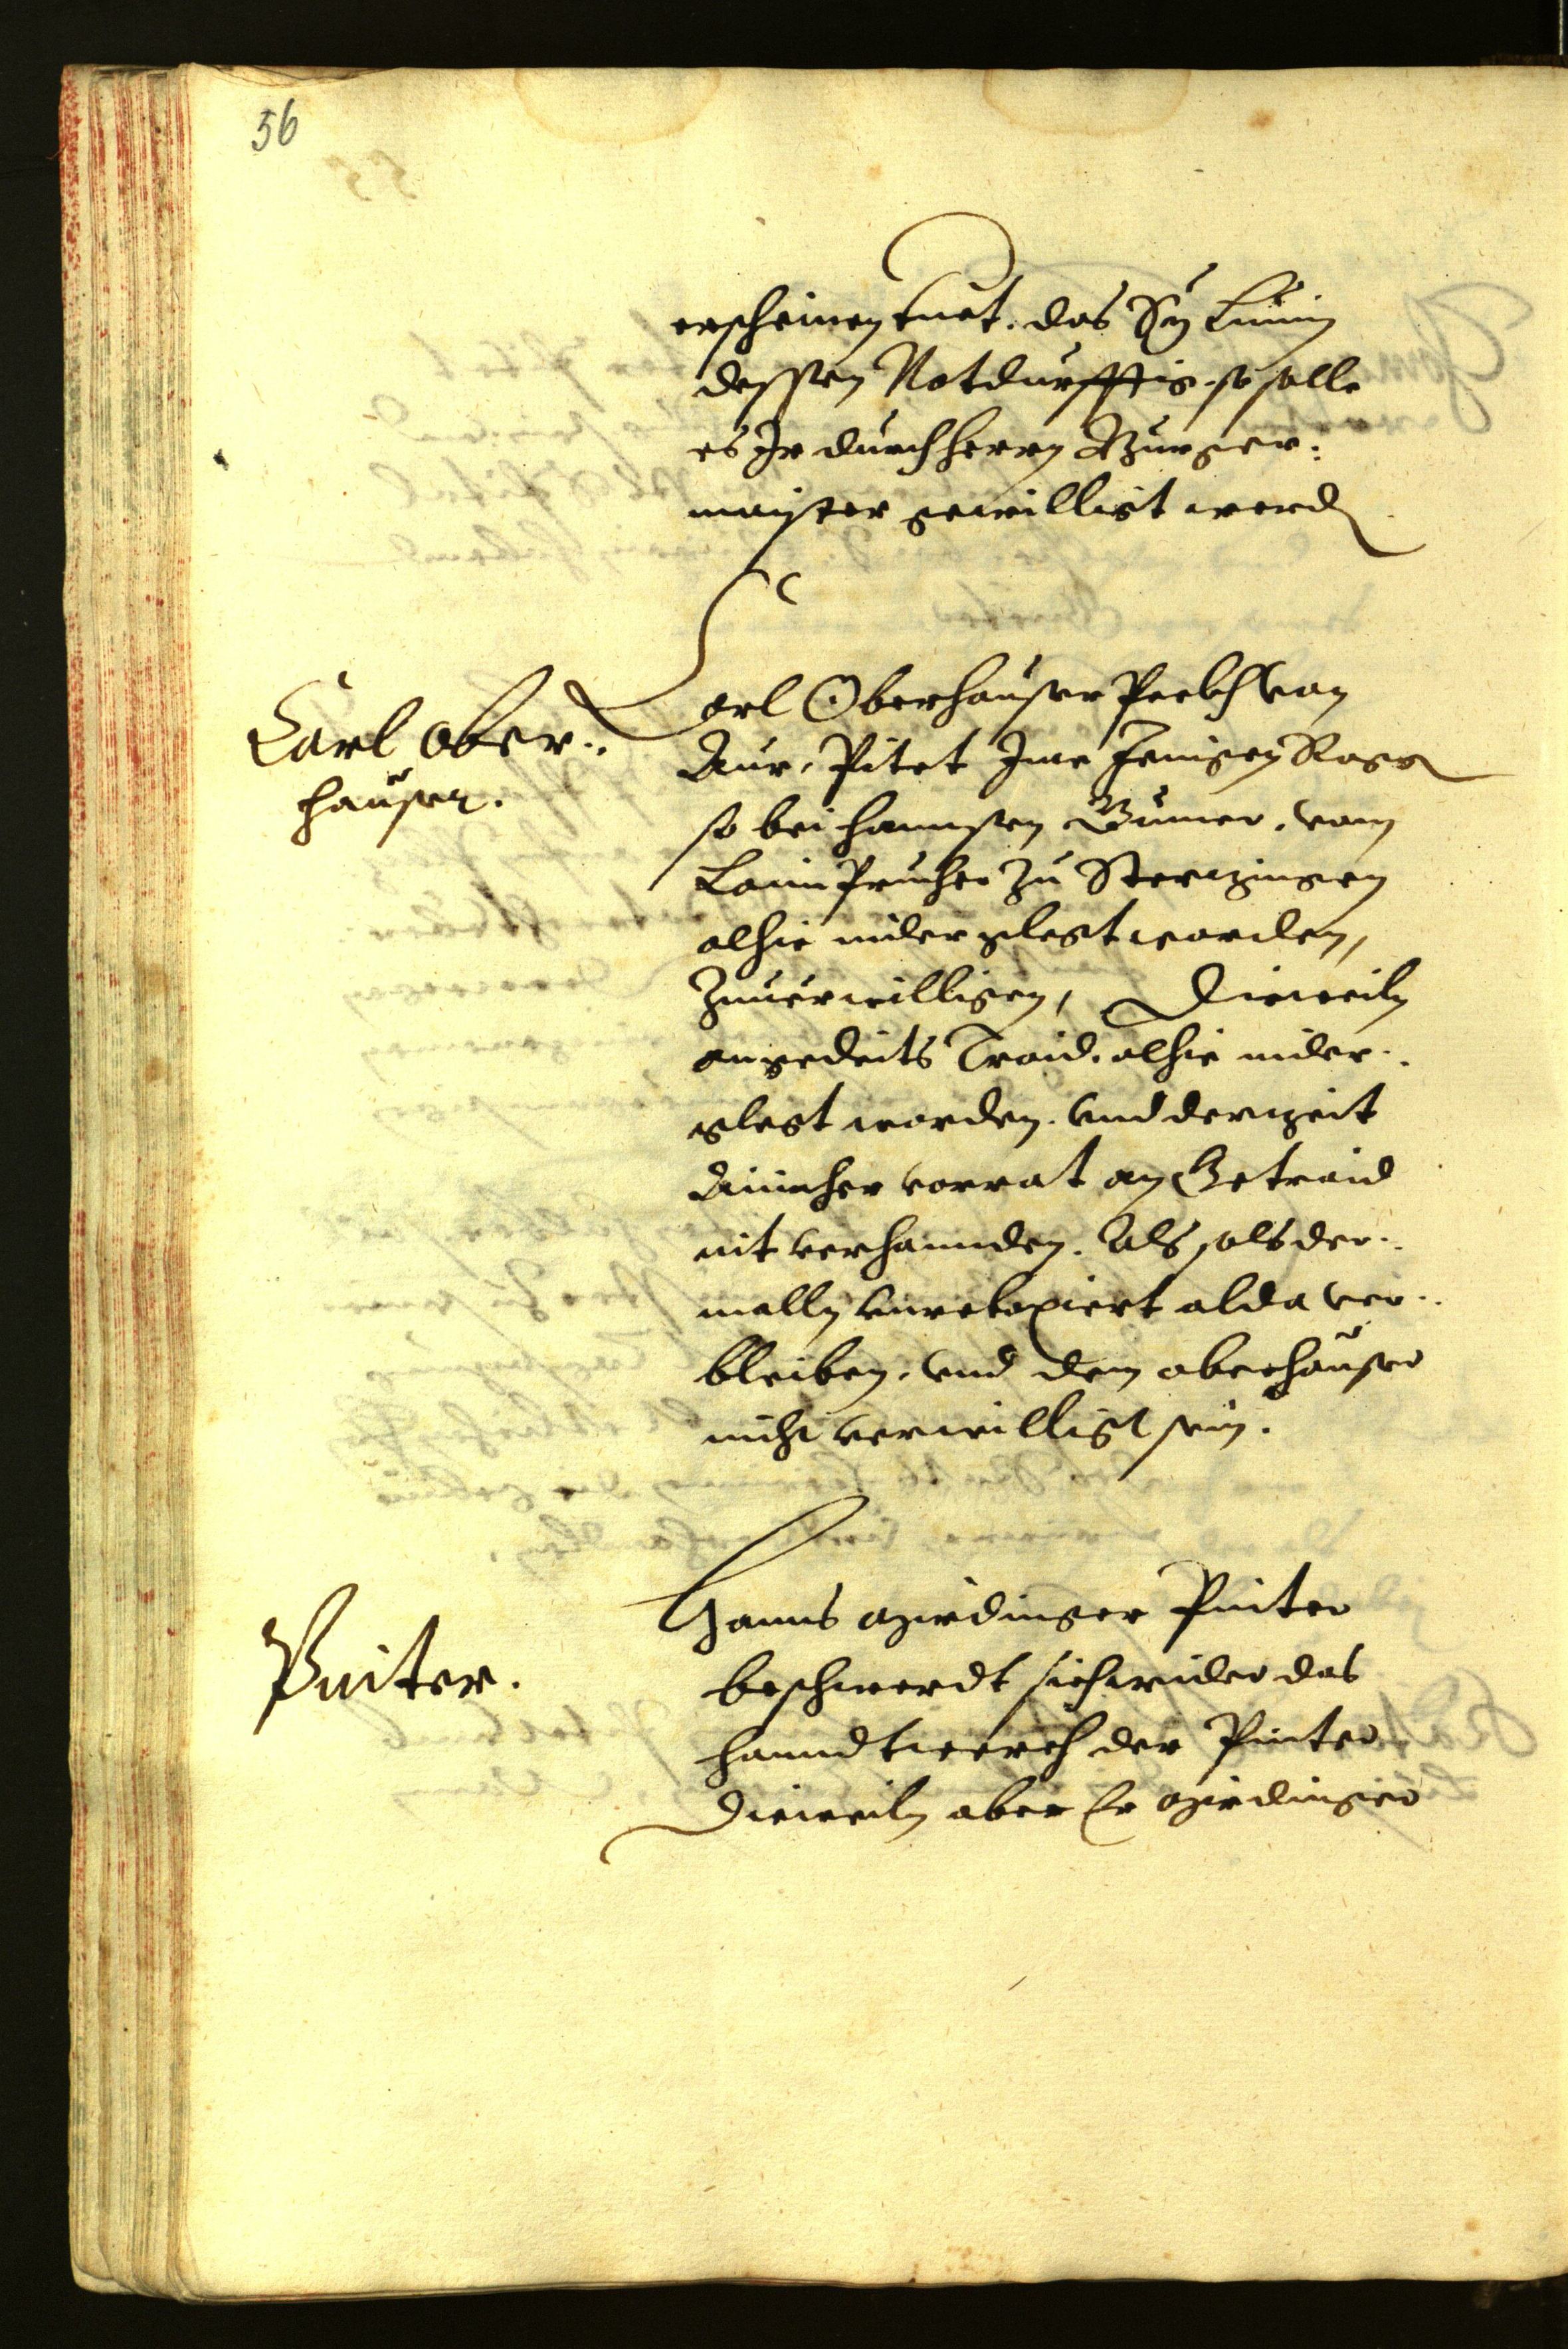56
erscheinen tūet. das Sȳ Lūnin
dessen Notdūrfftig. so solle
es Ir dūrch herrn Būrger¬
maister gewilligt werd
Carl Oberhaūser Peckh von
Aūr. Pitet Ime Jenigen Rogg
so bei hannsen Gūmer. vom
Laim Prūcher Zū Sterzingen
alhie nider glegt worden,
Zuūērwilligen, Dieweiln
angedeits Traid. alhie nider¬
glegt worden. vnd derzeit
Ainicher vorrat an Getraid
nit verhannden. Als sols der¬
malln vnretaxiert alda ver¬
bleiben. vnd dem oberhaūser
nicht verwilligt sein.
Carl Ober¬
haūser.
Hanns Mirdinger Pinter
beschwerdt sich wider das
hanndtwerch der Pinter
dieweiln aber Er Mirdinger
Pinter.